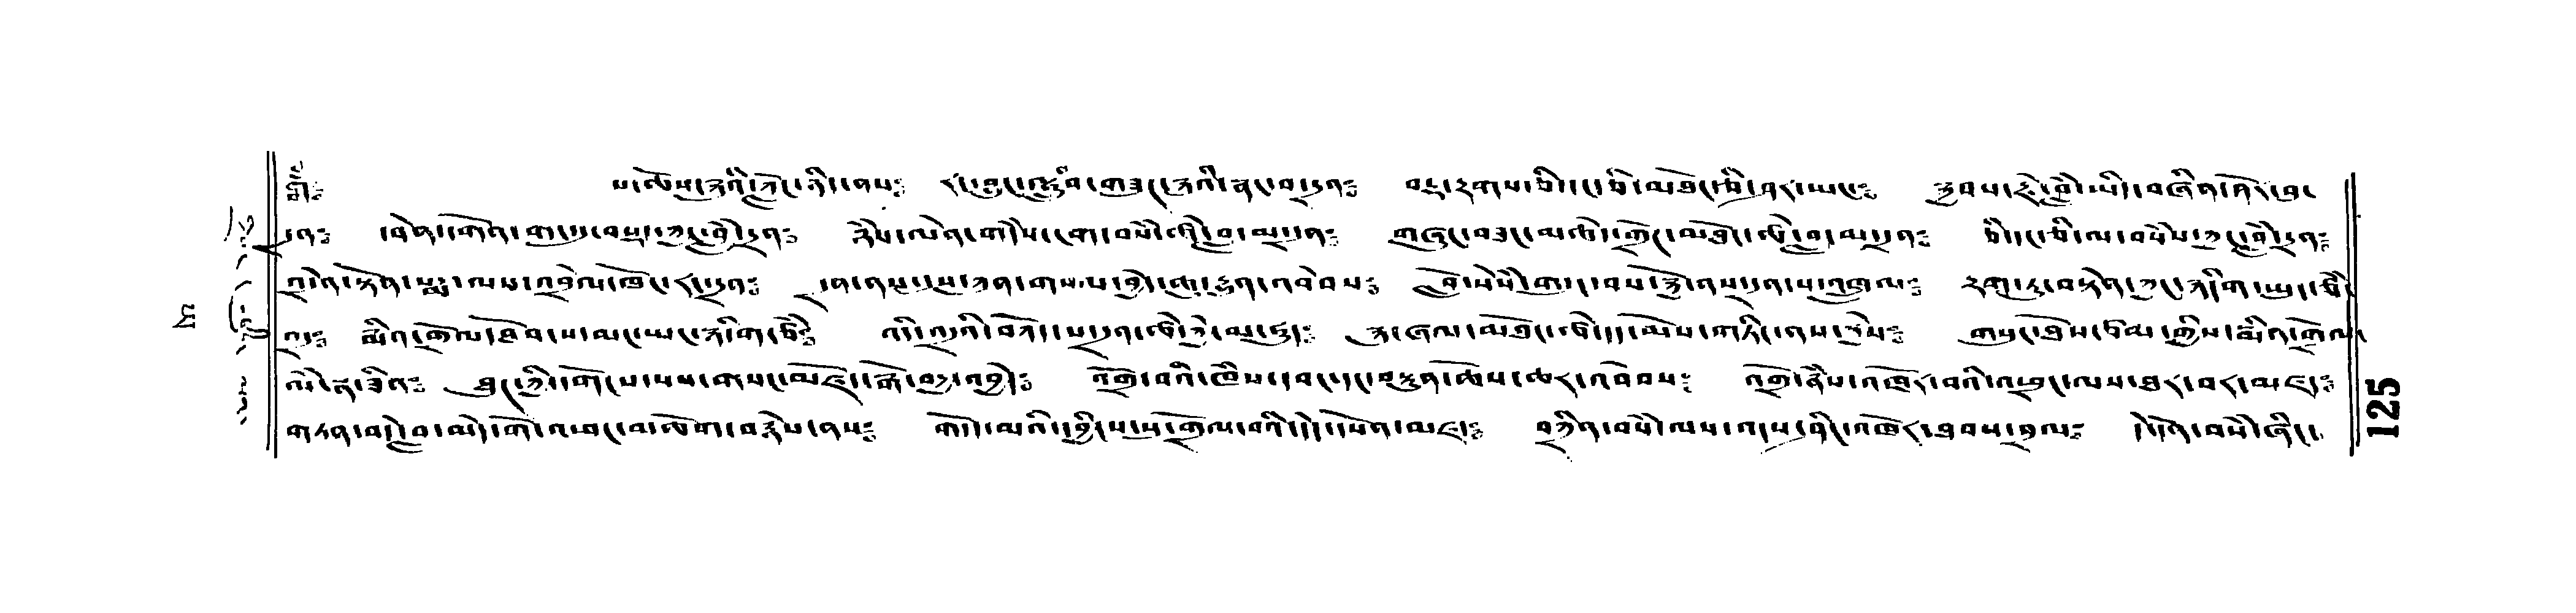པ་ཆོས་སྐུའི་ཀློང་ཉིད་ནས༔ རང་བྱུང་ལྷུན་གྲུབ་གཟུགས་སྐུའི་སྣང་བ་དྲན༔ བརྡ་རྟགས་ཅི་དང་ཅི་མཐོང་ཅི་ཤར་ཡང༔ སྐྱབས་རྗེ་བླ་མ་ཡིད་བཞིན་ནོར་བུ་
དྲན༔ དབེན་དགོན་གང་དུ་བསྡད་ཀྱང་བླ་མ་དྲན༔ ཉམས་ལེན་གདམས་ངག་བསམ་ཚེ་བླ་མ་དྲན༔ གཞུང་བཟང་མཆེད་གྲོགས་མཐོང་ཚེ་བླ་མ་དྲན༔ ཅི་དང་ཅི་ལ་བསམ་ཀྱང་བླ་མ་དྲན༔ 
འདྲེན་སྟོན་པདྨ་ལས་འབྲེལ་ཁོང་རང་དྲན༔ དྲན་ནས་དུས་ཀུན་གསལ་བྱེད་ཆུ་རྒྱུན་འབེབས༔ བློ་སེམས་གདུང་བས་སྐྱོ་ནས་དྲན་པ་འཁྲུལ༔ རྟག་ཏུ་བསྟེན་ཀྱང་སྐད་ཅིག་ཡུད་ཙམ་
འདྲ༔ སྨིན་གྲོལ་ཐོབ་པ་མང་ཡང་སྐད་ཅིག་ཙམ༔ འདི་འདྲའི་བཀོད་པ་དྲན་ཚེ་ཀྱེ་མ་ཧུད༔ སྐུ་ཞལ་མཐོང་ཚེ་དད་མོས་གཏིང་ནས་སྐྱེས༔ གསུང་ཐོས་ཙམ་གྱིས་སྨིན་གྲོལ་
ལམ་སྣ་ཟིན༔ ཐུགས་ཀྱི་དགོངས་པས་གསང་མཛོད་སྒོ་བརྒྱ་འབྱེད༔འགྲོ་བའི་ཁམས་དབང་དང་བསྟུན་ཆོས་ཆར་འབེབས༔ འགྲོ་རྣམས་འཁོར་བའི་འཕྲང་ལས་ཐར་བར་མཛད༔ 
གཏན་བདེ་བླ་མེད་གོ་འཕང་མཆོག་བརྙེས་ནས༔ གདོད་མའི་དབྱིངས་སུ་གྲོལ་བའི་དེད་དཔོན་མཛད༔ བཀའ་དྲིན་བསམ་ལས་འདས་ཤིང་འཁོར་ཐབས་བྲལ༔ དེ་དོན་བསམ་ཞིང་